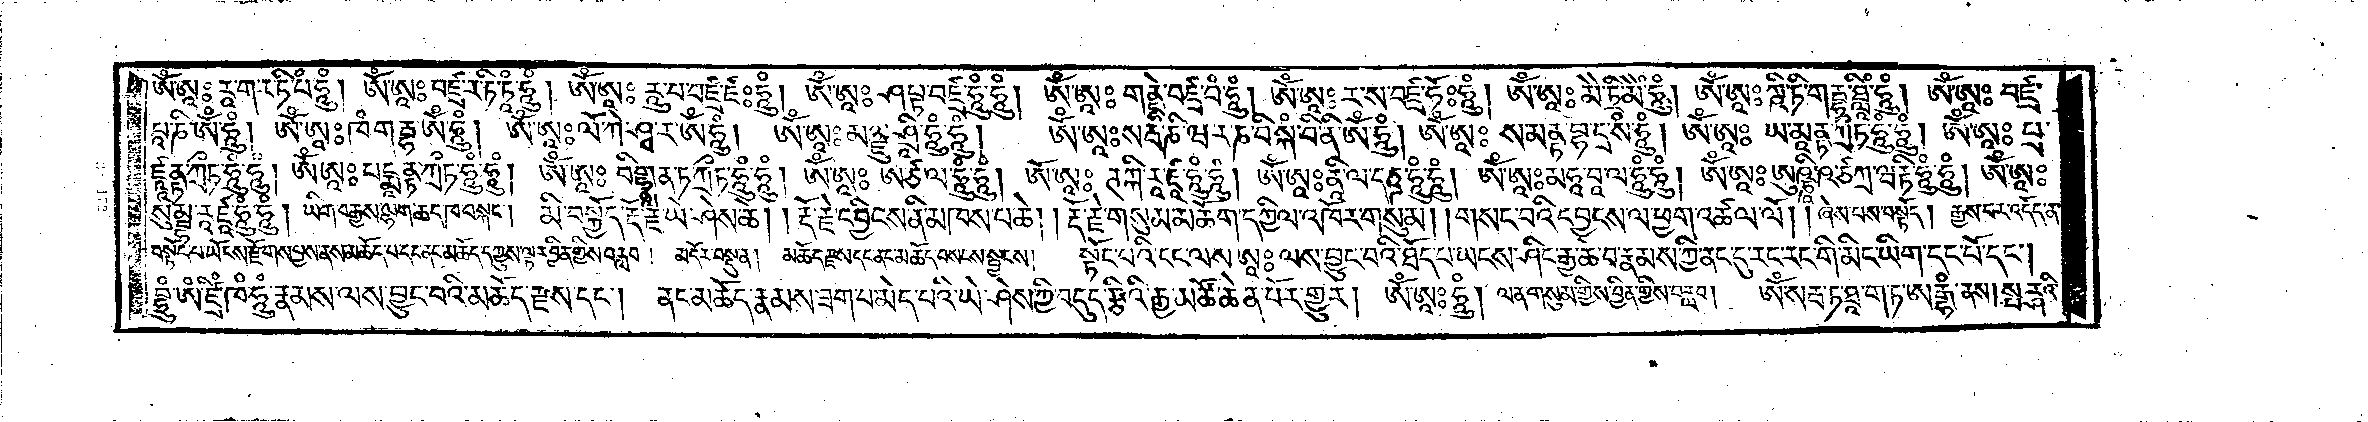ཨོཾ་ཨཱཿརཱ་ག་ར་ཏི་པཾ་ཧཱུཾ། ཨོཾ་ཨཱཿབཛྲ་ར་ཏི་ཧཱུཾ་ཧཱུཾ། ཨོཾ་ཨཱཿརཱུ་པ་བཛྲ་ཛཿཧཱུཾ། ཨོཾ་ཨཱཿཤཔྟ་བཛྲ་ཧཱུཾ་ཧཱུཾ། ཨོཾ་ཨཱཿགནྡྷེ་བཛྲ་བཾ་ཧཱུཾ། ཨོཾ་ཨཱཿར་ས་བཛྲ་ཧོཿ ཧཱུཾ། ཨོཾ་ཨཱཿ མཻ་ཏྲི་མཻཾ་ཧཱུཾ། ཨོཾ་ཨཱཿཀྵི་ཏི་གརྦྷ་ཐླཱིཾ་ཧཱུཾ། ཨོཾ་ཨཱཿ བཛྲ་
པཱ་ཎི་ཨོཾ་ཧཱུཾ། ཨོཾ་ཨཱཿཁཾགརྦྷ་ཨོཾ་ཧཱུཾ། ཨོཾ་ཨཱཿ ལོ་ཀེ་ཤྭ་ར་ཨོཾ་ཧཱུཾ། ཨོཾ་ཨཱཿམཉྗུ་ཤྲཱི་ཧཱུཾ་ཧཱུཾ། ཨོཾ་ཨཱཿསརྦ་ཎི་ཝ་ར་ཎ་པི་སྐཾ་བི་ནི་ཨོཾ་ཧཱུཾ། ཨོཾ་ཨཱཿ ས་མནྟ་བྷ་དྲ་སཾ་ཧཱུཾ། ཨོཾ་ཨཱཿ ཡ་མཱནྟ་ཀྲྀཏ་ཧཱུཾ་ཧཱུཾ། ཨོཾ་ཨཱཿ པྲ་
ཛཱཱནྟ་ཀྲྀཏ་ཧཱུཾ་ཧཱུཾ། ཨོཾ་ཨཱཿཔདམའནྟ་ཀྲྀཏ་ཧཱུཾ་ཧཱུཾ། ཨོཾ་ཨཱཿབྷྣཱིན་ན་ཏ་ཀྲྀཏ་ཧཱུཾ་ཧཱུཾ། ཨོཾ་ཨཱཿ ཨ་ཙ་ལ་ཧཱུཾ་ཧཱུཾ། ཨོཾ་ཨཱཿ ཊཀྐི་རཱ་ཛཱ་ཧཱུཾ་ཧཱུཾ། ཨོཾ་ཨཱཿ ནཱི་ལ་དཎྜ་ཧཱུཾ་ཧཱུཾ། ཨོཾ་ཨཱཿམྷཱ་བཱ་ལ་ཧཱུཾ་ཧཱུཾ། ཨོཾ་ཨཱཿཨུཥྞཱི་ཥ་ཙཀྲ་ཝརྟི་ཧཱུཾ་ཧཱུཾ། ཨོཾ་ཨཱཿ
སུམྦྷ་རཱ་ཛཱ་ཧཱུཾ་ཧཱུཾ། ཡིག་བརྒྱས་ལྷག་ཆད་ཁ་བསྐང་། མི་བསྐྱོད་རྡོ་རྗེ་ཡེ་ཤེས་ཆེ། །རྡོ་རྗེ་དབྱིངས་ནི་མཁས་པ་ཆེ། །རྡོ་རྗེ་གསུམ་མཆོག་དཀྱིལ་འཁོར་གསུམ། །གསང་བའི་དབྱངས་ལ་ཕྱག་འཚལ་ལོ། །ཞེས་པས་བསྟོད། རྒྱས་པར་འདོད་ན་
བསྟོད་པ་ཡོངས་རྫོགས་བྱས་ནས་མཆོད་པ་དང་ནང་མཆོད་དཀྱུས་ལྟར་བྱིན་གྱིས་བརླབ། མདོར་བསྡུ་ན། མཆོད་རྫས་དང་ནང་མཆོད་པ་སངས་སྦྱངས། སྟོང་བའི་ངང་ལས་ཨཱཿལས་བྱུང་བའི་ཐོད་པ་ཡངས་ཤིང་རྒྱ་ཆེ་བ་རྣམས་ཀྱི་ནང་དུ་རང་རང་གི་མིང་ཡིག་དང་པོ་དང་།
བྷྲཱུཾ་ཨཾ་ཛྲིཾ་ཁཾ་ཧཱུཾ་རྣམས་ལས་བྱུང་བའི་མཆོད་རྫས་དང་། ནང་མཆོད་རྣམས་ཟག་པ་མེད་པའི་ཡེ་ཤེས་ཀྱི་བདུད་རྩིའི་རྒྱ་མཚོ་ཆེན་པོར་གྱུར། ཨོཾ་ཨཱཿ ཧཱུཾ། ལན་གསུམ་གྱིས་བྱིན་གྱིས་བརླབ། ཨོཾ་སརྦ་ཏ་ཐཱ་ག་ཏ་ཨརྒྷཾ་ནས། སྤརྴཱི་